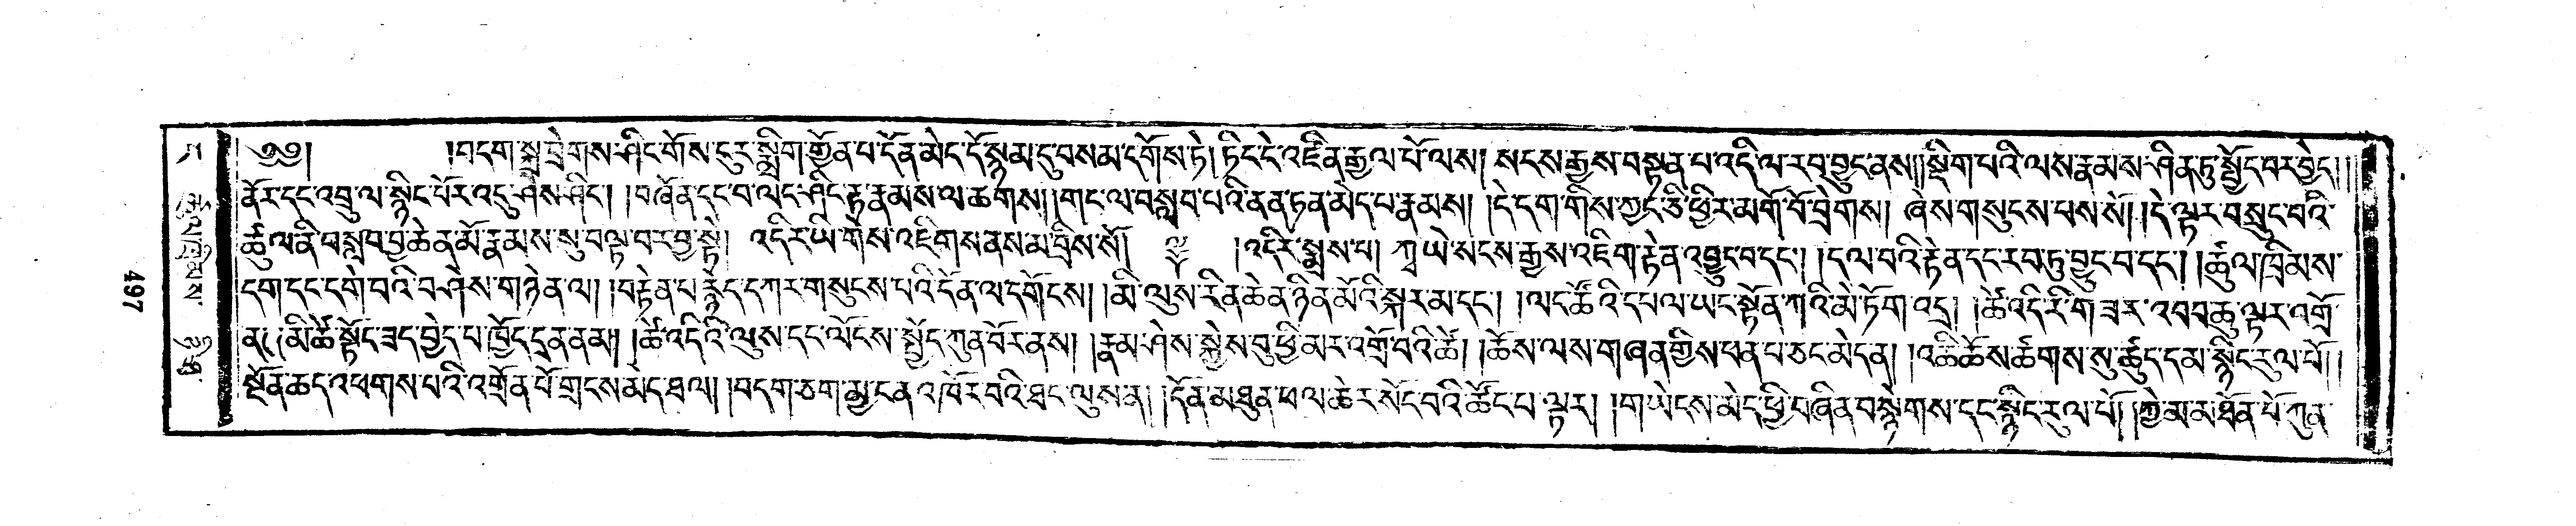༄༅། །བདག་སྐྲ་བྲེགས་ཤིང་གོས་ངུར་སྨྲིག་གྱོན་པ་དོན་མེད་དོ་སྙམ་དུ་བསམ་དགོས་ཏེ། ཏིང་ངེ་འཛིན་རྒྱལ་པོ་ལས། སངས་རྒྱས་བསྟན་པ་འདི་ལ་རབ་བྱུང་ནས། །སྡིག་པའི་ལས་རྣམས་ཤིན་ཏུ་སྤྱོད་པར་བྱེད། །
ནོར་དང་འབྲུ་ལ་སྙིང་པོར་འདུ་ཤེས་ཤིང་། །བཞོན་དང་བ་ལང་ཤིང་རྟ་རྣམས་ལ་ཆགས། །གང་ལ་བསླབ་པའི་ནན་ཏན་མེད་པ་རྣམས། །དེ་དག་གིས་ཀྱང་ཅི་ཕྱིར་མགོ་བོ་བྲེགས། ཞེས་གསུངས་པས་སོ། །དེ་ལྟར་བསྲུང་བའི་
ཚུལ་ནི་བསླབ་བྱ་ཆེན་མོ་རྣམས་སུ་བལྟ་བར་བྱ་སྟེ། འདིར་ཡི་གེས་འཇིགས་ནས་མ་བྲིས་སོ། ༈ །འདིར་སྨྲས་པ། ཀྭ་ཡེ་སངས་རྒྱས་འཇིག་རྟེན་འབྱུང་བ་དང་། །དལ་བའི་རྟེན་དང་རབ་ཏུ་བྱུང་བ་དང་། །ཚུལ་ཁྲིམས་
དགེ་དང་དགེ་བའི་བཤེས་གཉེན་ལ། །བརྟེན་པ་རྙེད་དཀར་གསུངས་པའི་དོན་ལ་དགོངས། །མི་ལུས་རིན་ཆེན་ཉིན་མོའི་སྐར་མ་དང་། །ལང་ཚོའི་དཔལ་ཡང་སྟོན་ཀའི་མེ་ཏོག་འདྲ། །ཚེ་འདི་རི་གཟར་འབབ་ཆུ་ལྟར་འགྲོ་
ན༑ ༑མི་ཚེ་སྟོང་ཟད་བྱེད་པ་ཁྱོད་དྲན་ནམ། །ཚེ་འདིའི་ལུས་དང་ལོངས་སྤྱོད་ཀུན་བོར་ནས། །རྣམ་ཤེས་སྐྱེས་བུ་ཕྱི་མར་འགྲོ་བའི་ཚེ། །ཆོས་ལས་གཞན་གྱིས་ཕན་པ་ཅང་མེད་ན། །འཆི་ཆོས་ཚགས་སུ་ཚུད་དམ་སྙིང་རུལ་པོ། །
སྔོན་ཆད་འཕགས་པའི་འགྲོན་པོ་གྲངས་མེད་ཐལ། །བདག་ཅག་མྱ་ངན་འཁོར་བའི་ཐང་ལུས་ན། །དོན་མཐུན་ཕལ་ཆེར་སོང་བའི་ཚོང་པ་ལྟར། །གཡེངས་མེད་ཕྱི་བཞིན་བསྙེགས་དང་སྙིང་རུལ་པོ། །ཀྱེ་མ་མཐོན་པོ་ཀུན་